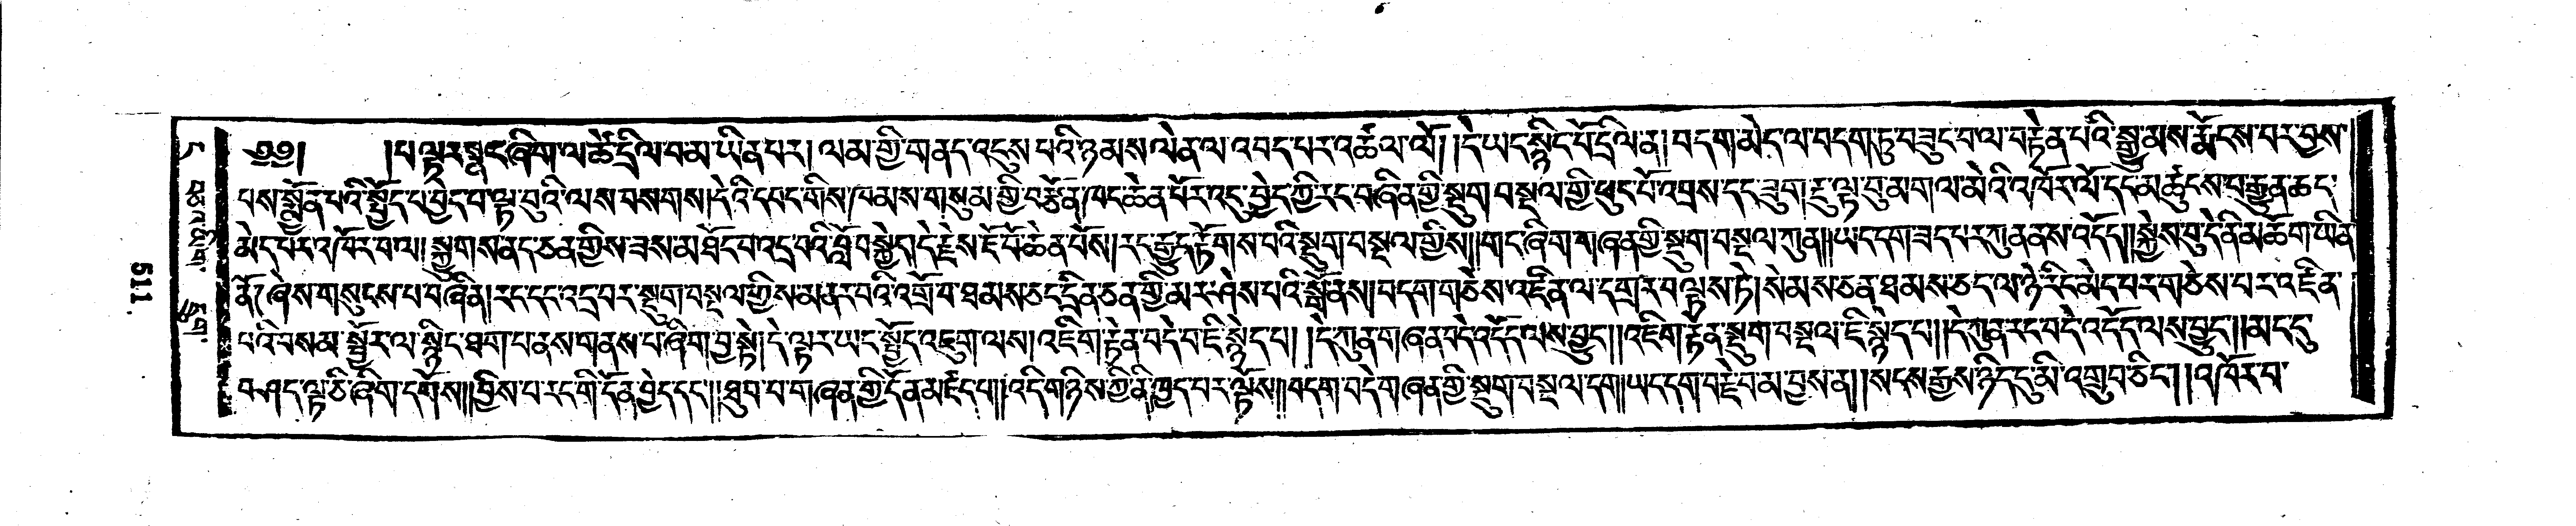༄༅། །པ་ལྟར་སྣང་ཞིག་ལ་ཚེ་དྲིལ་བ་མ་ཡིན་པར། ལམ་གྱི་གནད་འདུས་པའི་ཉམས་ལེན་ལ་འབད་པར་འཚལ་ལོ། །དེ་ཡང་སྙིང་པོ་དྲིལ་ན། བདག་མེད་ལ་བདག་ཏུ་བཟུང་བ་ལ་བརྟེན་པའི་སྒྱུ་མས་རྨོངས་པར་བྱས་
པས་སྨྱོན་པའི་སྤྱོད་པ་བྱེད་པ་ལྟ་བུའི་ལས་བསགས། དེའི་དབང་གིས་ཁམས་གསུམ་གྱི་བརྩོན་ཁང་ཆེན་པོར་འདུ་བྱེད་ཀྱི་རང་བཞིན་གྱི་སྡུག་བསྔལ་གྱི་ཕུང་པོ་འབྲས་དང་ཟུག་རྔུ་ལྟ་བུ་མགལ་མེའི་འཁོར་ལོ་དང་མཚུངས་པ་རྒྱུན་ཆད་
མེད་པར་འཁོར་བ་ལ། སྐྱུགས་ནད་ཅན་གྱིས་ཟས་མཐོང་བ་འདྲ་བའི་བློ་བསྐྱེད། དེ་རྗེས་ཇོ་བོ་ཆེན་པོས། རང་རྒྱུད་རྟོགས་པའི་སྡུག་བསྔལ་གྱིས། །གང་ཞིག་གཞན་གྱི་སྡུག་བསྔལ་ཀུན། །ཡང་དག་ཟད་པར་ཀུན་ནས་འདོད། །སྐྱེས་བུ་དེ་ནི་མཆོག་ཡིན་
ནོ། ཞེས་གསུངས་པ་བཞིན། རང་དང་འདྲ་བར་སྡུག་བསྔལ་གྱིས་མནར་བའི་འགྲོ་བ་ཐམས་ཅད་དྲིན་ཅན་གྱི་མར་ཤེས་པའི་སྒོ་ནས། བདག་གཅེས་འཛིན་ལ་དགྲར་བལྟས་ཏེ། སེམས་ཅན་ཐམས་ཅད་ལ་ཉེ་རིང་མེད་པར་གཅེས་པར་འཛིན་
པའི་བསམ་སྦྱོར་ལ་སྙིང་ཐག་པ་ནས་གནས་པ་ཞིག་བྱ་སྟེ། དེ་ལྟར་ཡང་སྤྱོད་འཇུག་ལས། འཇིག་རྟེན་བདེ་བ་ཇི་སྙེད་པ། །དེ་ཀུན་གཞན་བདེ་འདོད་ལས་བྱུང་། །འཇིག་རྟེན་སྡུག་བསྔལ་ཇི་སྙེད་པ། །དེ་ཀུན་རང་བདེ་འདོད་ལས་བྱུང་། །མང་དུ་
བཤད་ལྟ་ཅི་ཞིག་དགོས། །བྱིས་པ་རང་གི་དོན་བྱེད་དང་། །ཐུབ་པ་གཞན་གྱི་དོན་མཛད་པ། །འདི་གཉིས་ཀྱི་ནི་ཁྱད་པར་ལྟོས། །བདག་བདེ་གཞན་གྱི་སྡུག་བསྔལ་དག །ཡང་དག་བརྗེ་བ་མ་བྱས་ན། །སངས་རྒྱས་ཉིད་དུ་མི་འགྲུབ་ཅིང་། །འཁོར་བ་